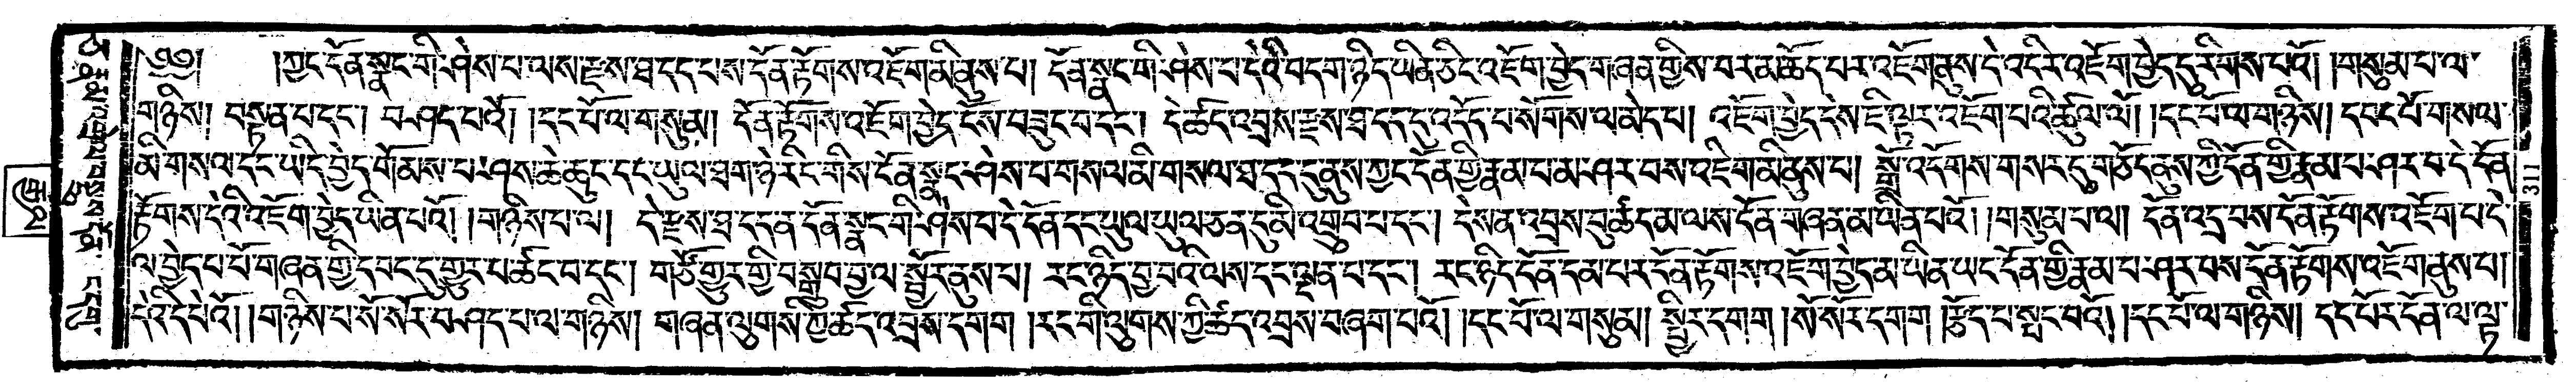༄༅། །ཀྱང་དོན་སྣང་གི་ཤེས་པ་ལས་རྫས་ཐ་དད་པས་དོན་རྟོགས་འཇོག་མི་ནུས་པ། དོན་སྣང་གི་ཤེས་པ་དེའི་བདག་ཉིད་ཡིན་ཅིང་འཇོག་བྱེད་གཞན་གྱིས་བར་མཆོད་པར་འཇོག་ནུས་དེ་འདིར་འཇོག་བྱེད་དུ་རིགས་པའོ། །གསུམ་པ་ལ་
གཉིས། བསྟན་པ་དང་། བཤད་པའོ། །དང་པོ་ལ་གསུམ། དོན་རྟོགས་འཇོག་བྱེད་ངོས་བཟུང་བ་དང་། དེ་ཚད་འབྲས་རྫས་ཐ་དད་དུ་འདོད་པ་སོགས་ལ་མེད་པ། འཇོག་བྱེད་དེས་ཇི་ལྟར་འཇོག་པའི་ཚུལ་ལོ། །དང་པོ་ལ་གཉིས། དབང་པོ་གསལ་
མི་གསལ་དང་ཡིད་བྱེད་གོམས་པ་ཤས་ཆེ་ཆུང་དང་ཡུལ་ཐག་ཉེ་རིང་གིས་ངོན་སྣང་ཤེས་པ་གསལ་མི་གསལ་ཐ་དད་དུ་ནུས་ཀྱང་དོན་གྱི་རྣམ་པ་མ་ཤར་བས་འཇིག་མི་ནུས་པ། སྒྲོ་འདོགས་གསར་དུ་གཅོད་ནུས་ཀྱི་དོན་གྱི་རྣམ་པ་ཤར་བ་དེ་དོན་
རྟོགས་དེའི་འཇོག་བྱེད་ཡིན་པའོ། །གཉིས་པ་ལ། དེ་རྫས་ཐ་དད་ན་དོན་སྣང་གི་ཤེས་པ་དེ་དོན་དང་ཡུལ་ཡུལ་ཅན་དུ་མི་འགྲུབ་པ་དང་། དེས་ན་འབྲས་བུ་ཚད་མ་ལས་དོན་གཞན་མ་ཡིན་པའོ། །གསུམ་པ་ལ། དོན་འདྲ་བས་དོན་རྟོགས་འཇོག་པ་དེ་
ལ་བྱེད་པ་པོ་གཞན་གྱི་དབང་དུ་གྱུར་པ་ཚང་བ་དང་། གཙོ་གྱུར་གྱི་བསྒྲུབ་བྱ་ལ་སྦྱོར་ནུས་པ། རང་ཉིད་བྱ་བའི་ལས་དང་ལྡན་པ་དང་། རང་ཉིད་དོན་དམ་པར་དོན་རྟོགས་འཇོག་བྱེད་མ་ཡིན་ཡང་དོན་གྱི་རྣམ་པ་ཤར་བས་དོན་རྟོགས་འཇོག་ནུས་པ།
དེའི་དཔེའོ། །གཉིས་པ་སོ་སོར་བཤད་པ་ལ་གཉིས། གཞན་ལུགས་ཀྱི་ཚད་འབྲས་དགག །རང་གི་ལུགས་ཀྱི་ཚད་འབྲས་བཞག་པའོ། །དང་པོ་ལ་གསུམ། སྤྱིར་དགག །སོ་སོར་དགག །རྩོད་པ་སྤང་བའོ། །དང་པོ་ལ་གཉིས། དང་པོར་དོན་ལ་ལྟ་